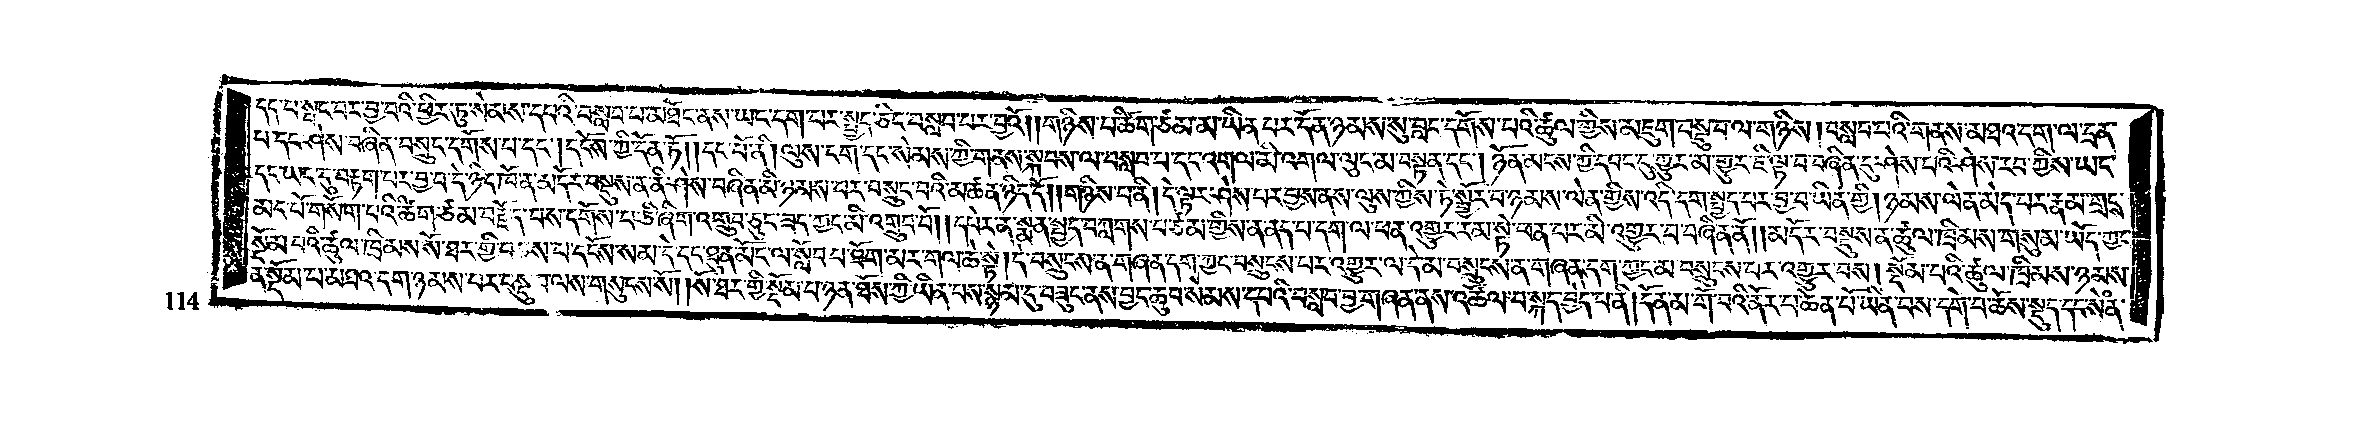དད་པ་སྤང་བར་བྱ་བའི་ཕྱིར་ཏུ་སེམས་དཔའི་བསླབ་པ་མཐོང་ནས་ཡང་དག་པར་སྤྱད་ཅིང་བསླབ་པར་བྱའོ། །གཉིས་པ་ཚིག་ཙམ་མ་ཡིན་པར་དོན་ཉམས་སུ་བླང་དོགས་པའི་ཚུལ་གྱིས་མཇུག་བསྡུ་བ་ལ་གཉིས། བསླབ་པའི་གནས་མཐའ་དག་ལ་དྲན་
པ་དང་ཤེས་བཞིན་བསྲུང་དོགས་པ་དང་། དངོས་ཀྱི་དོན་ཏོ། །དང་པོ་ནི། ལུས་ངག་དང་སེམས་ཀྱི་གནས་སྐབས་ལ་བསླབ་པ་དང་འགལ་མི་འགལ་ལུང་མ་བསྟན་དང་། ཉོན་མོངས་ཀྱི་དབང་དུ་གྱུར་མ་གྱུར་ཇི་ལྟ་བ་བཞིན་དུ་ཤེས་པའི་ཤེས་རབ་ཀྱིས་ཡང་
དང་ཡང་དུ་བརྟག་པར་བྱ་བ་དེ་ཉིད་ཁོ་ན་མདོར་བསྡུས་ན་ནི་ཤེས་བཞིན་མི་ཉམས་པར་བསྲུང་བའི་མཚན་ཉིད་དོ། །གཉིས་པ་ནི། དེ་ལྟར་ཤེས་པར་བྱས་ནས་ལུས་ཀྱིས་ཏེ་སྦྱོར་བ་ཉམས་ལེན་གྱིས་འདི་དག་སྤྱད་པར་བྱ་བ་ཡིན་གྱི་།ཉམས་ལེན་མེད་པར་རྣམ་གྲངས་
མང་པོ་གསོག་པའི་ཚིག་ཙམ་བརྗོད་པས་དགོས་པ་ཅི་ཞིག་འགྲུབ་ཅུང་ཟད་ཀྱང་མི་འགྲུབ་བོ། །དཔེར་ན་སྨན་སྤྱད་བཀླགས་པ་ཙམ་གྱིས་ན་ནད་པ་དག་ལ་ཕན་འགྱུར་རམ་སྟེ་ཕན་པར་མི་འགྱུར་བ་བཞིན་ནོ། །མདོར་བསྡུས་ན་ཚུལ་ཁྲིམས་གསུམ་ཡོད་ཀྱང་
སྡོམ་པའི་ཚུལ་ཁྲིམས་སོ་ཐར་གྱི་བཅས་པར་དངོས་སམ་དེ་དང་ཐུན་མོང་ལ་སློབ་པ་ཐོག་མར་གལ་ཆེ་སྟེ། དེ་བསྲུངས་ན་གཞན་དག་ཀྱང་བསྲུངས་པར་འགྱུར་ལ་དེ་མ་བསྲུང་ན་གཞན་དག་ཀྱང་མ་བསྲུངས་པར་འགྱུར་བས། སྡོམ་པའི་ཚུལ་ཁྲིམས་ཉམས་
ན་སྡོམ་པ་མཐའ་དག་ཉམས་པར་བསྡུ་བ་ལས་གསུངས་སོ། །སོ་ཐར་གྱི་སྡོམ་པ་ཉན་ཐོས་ཀྱི་ཡིན་པས་སྙམ་དུ་བཟུང་ནས་བྱང་ཆུབ་སེམས་དཔའི་བསླབ་བྱ་གཞན་ནས་འཚོལ་བ་སྐད་བྱེད་པ་ནི། དོན་མ་གོ་བའི་ནོར་པར་ཆེན་པོ་ཡིན་པས་དགེ་བ་ཆོས་སྡུད་དང་སེམས་ཅན་